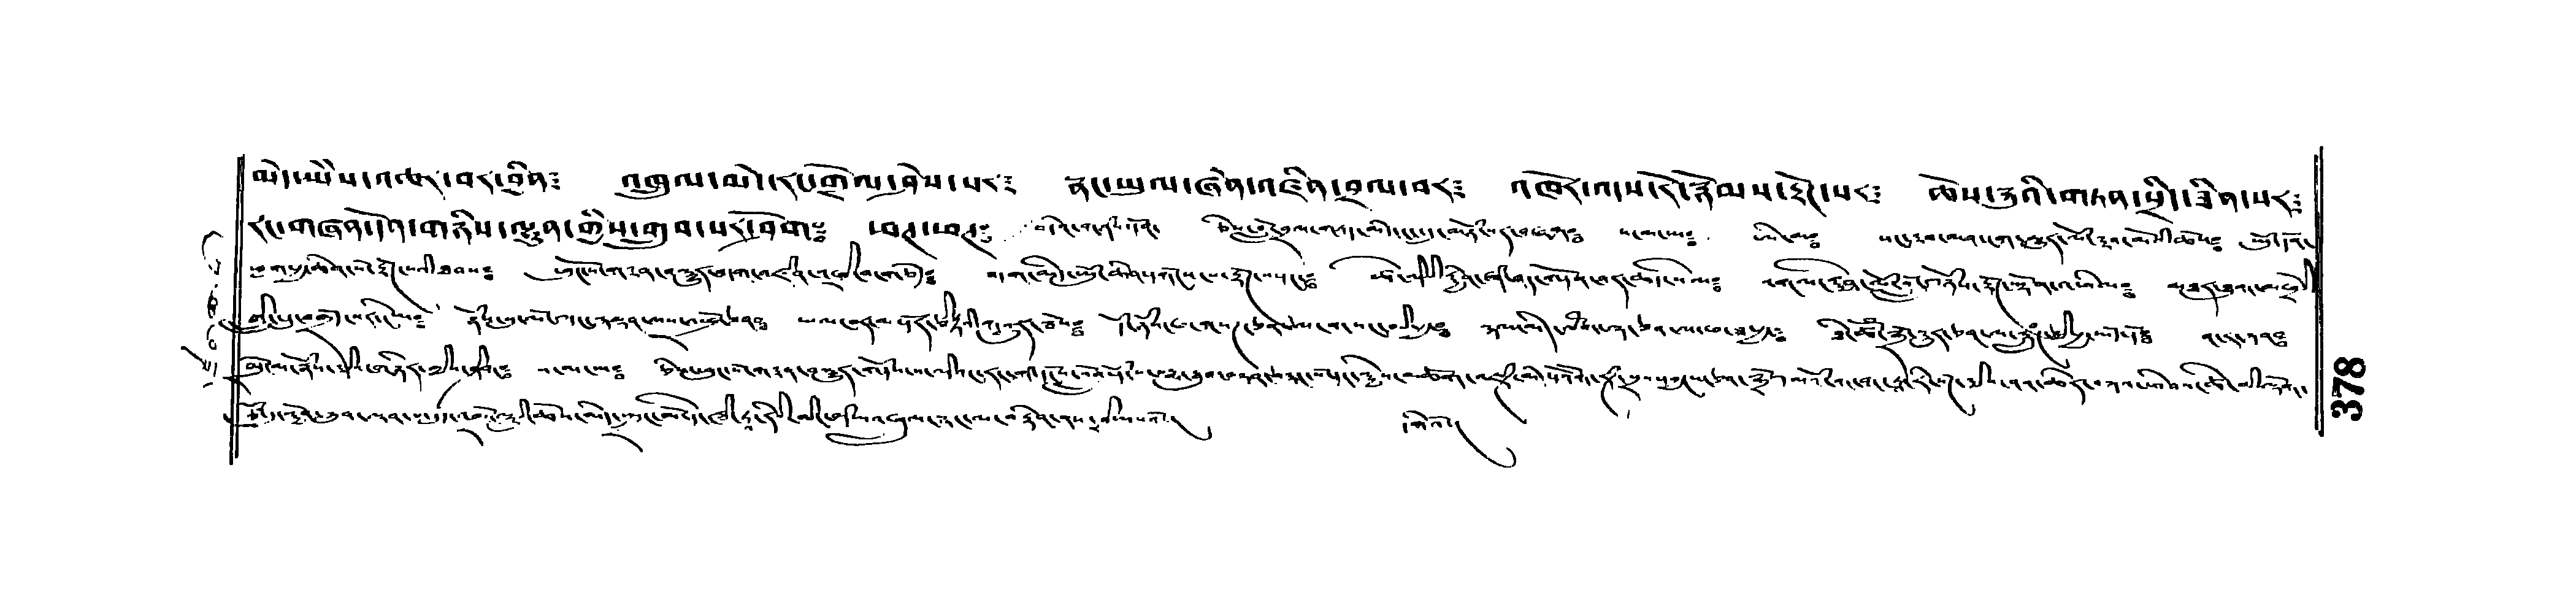མེད་ཡེ་ཤེས་འཆར་བར་བྱིན༴ འཁྲུལ་མེད་རང་གྲོལ་ཤེས་པར༴ སྣང་ཡུལ་ཞེན་འཛིན་བྲལ་བར༴འཁོར་འདས་རོ་སྙོམས་རྟོགས་པར༴ ཆོས་སྐུའི་གཏན་སྲིད་ཟིན་པར༴ 
རང་གཞན་དོན་གཉིས་ལྷུན་གྱིས་གྲུབ་པར་ཤོག༔ ཕཊ་ཕཊཿ ཅེས་བློ་བྲལ་གཏད་མེད་ངང་དུ་མཉམ་པར་བཞག༔ ས་མ་ཡ༔ ཨེ་མ༔ ཡང་ཟབ་མན་ངག་མྱུར་ལམ་ཟབ་མོའི་ཆོས༔ ཡུམ་དོན་
ཕྱག་རྒྱ་ཆེན་པོ་རྟོགས་པའི་ཐབས༔ ཕུང་པོ་གཟན་བསྒྱུར་བདག་འཛིན་འཕྲི་བ་གཅོད༔ བདག་མེད་ཡུམ་ཆེན་དགོངས་པ་རྟོགས་པ་དང༔ ཚེ་འདིའི་རྐྱེན་ཞི་ནད་གདོན་བར་ཆད་སེལ༔ འགལ་རྐྱེན་ལམ་སློངས་ཉམས་རྟོགས་ཡོན་ཏན་འཕེལ༔ མཐར་ཐུག་མཁའ་འགྲོའི་
གླིང་དུ་བགྲོད་པར་ངེས༔ ཉམས་སུ་ལོངས་དང་སྐལ་ལྡན་ལས་འཕྲོ་ཅན༔ ཡལ་བར་མ་དོར་ཙིཏྟའི་གྭའུར་སྦེས༔ དམ་ཉམས་ཁ་གསགས་ཅན་ལ་གསང་བའི་རྒྱ༔ སྐལ་མེད་ལོག་ལྟ་ཅན་ལ་ཁ་ཐ་རྒྱ༔ ཐེ་ཚོམ་སྒྲོ་སྐུར་ཅན་ལ་སྐྲུགས་ཅི་རྒྱ་ཡོད་དོ༔ ན་ར་ཀན༔ 
མཁའ་འགྲོ་མ་རྣམས་ཀྱིས་གཉེར་གྱིས་ཤིག༔ ས་མ་ཡ༔ ཅེས་ཕུང་པོ་གཟན་བསྒྱུར་གདམས་པ་འདིའང་རང་གི་དངོས་སློབ་དམ་པ་པདྨ་ཐུབ་བསྟན་བཟང་པོ་དང་སྐྱེས་མཆོག་འཇིགས་མེད་དཀོན་མཆོག༔ རིགས་སྲས་དབྱངས་ཅན་སྒྲོལ་མའམ་གངྒ་ཏཱ་རེ་སོགས་ཀྱིས་ནན་ཆེར་བཀའ་ཕེབས་ཚེ་མ་ལྡོག་
ཙམ་དུ་སྐྱོན་ཀུན་ལྡན་པ་དུད་འགྲོ་ལྟ་བུའི་ཆོས་མེད་སྤྲང་མོ་དེ་ཝི་ཏཱ་རེའི་མིང་གིས་འཁྲུལ་སྣང་ལ་བརྟེན་ནས་བྲིས་པའོ།།